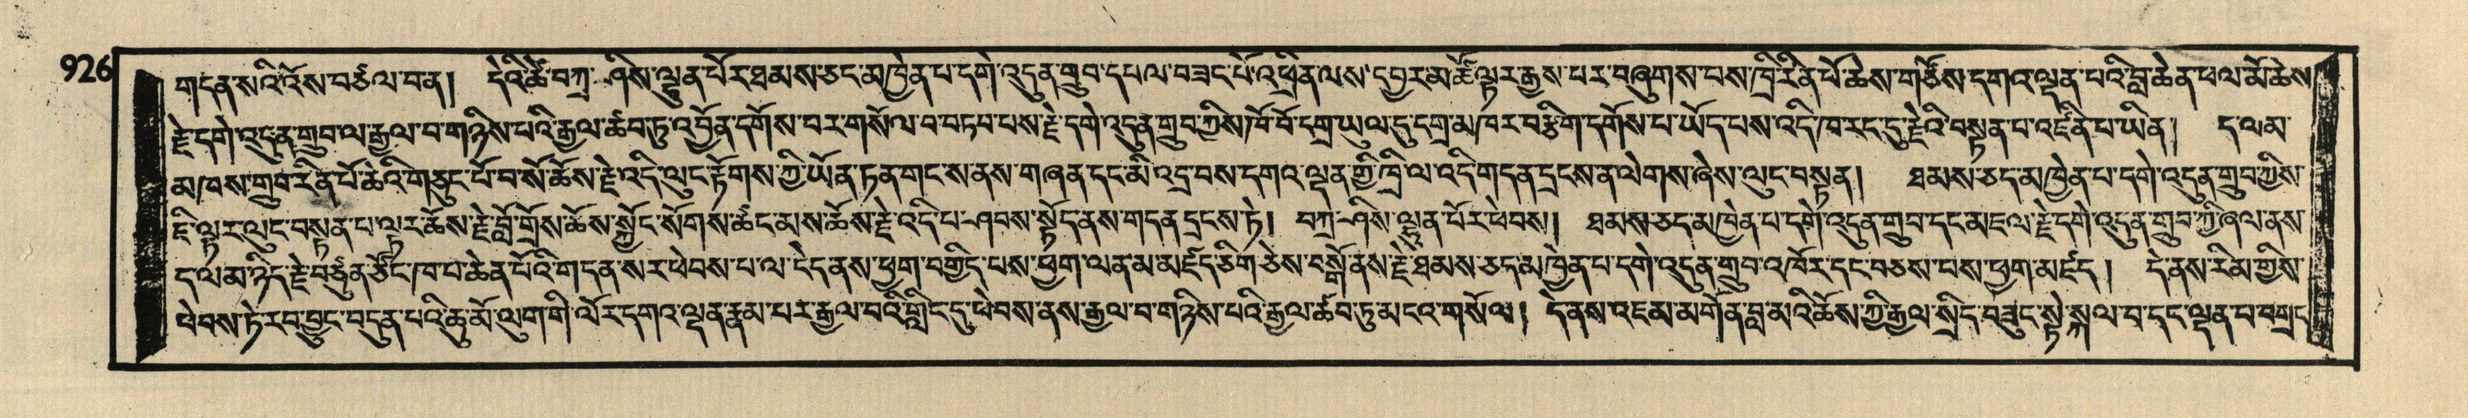གདན་སའི་འོས་བཙལ་བ་ན། དེའི་ཚེ་བཀྲ་ཤིས་ལྷུན་པོར་ཐམས་ཅད་མཁྱེན་པ་དགེ་འདུན་གྲུབ་དཔལ་བཟང་པོ་འཕྲིན་ལས་དབྱར་མཚོ་ལྟར་རྒྱས་པར་བཞུགས་པས་ཁྲི་རིན་པོ་ཆེས་གཙོས་དགའ་ལྡན་པའི་བླ་ཆེན་ཕལ་མོ་ཆེས་
རྗེ་དགེ་འདུན་གྲུབ་ལ་རྒྱལ་བ་གཉིས་པའི་རྒྱལ་ཚབ་ཏུ་འབྱོན་དགོས་པར་གསོལ་བ་བཏབ་པས་རྗེ་དགེ་འདུན་གྲུབ་ཀྱིས་ཁོ་བོ་དགྲ་ཡུལ་དུ་དགྲ་མཁར་བརྩིག་དགོས་པ་ཡོད་པས་འདི་ཁ་རང་དུ་རྗེའི་བསྟན་པ་འཛིན་པ་ཡིན། ད་ལམ་
མཁས་གྲུབ་རིན་པོ་ཆེའི་གཅུང་པོ་བ་སོ་ཆོས་རྗེ་འདི་ལུང་རྟོགས་ཀྱི་ཡོན་ཏན་གང་ས་ནས་གཞན་དང་མི་འདྲ་བས་དགའ་ལྡན་གྱི་ཁྲི་ལ་འདི་གདན་དྲངས་ན་ལེགས་ཞེས་ལུང་བསྟན། ཐམས་ཅད་མཁྱེན་པ་དགེ་འདུན་གྲུབ་ཀྱིས་
ཇི་ལྟར་ལུང་བསྟན་པ་ལྟར་ཆོས་རྗེ་བློ་གྲོས་ཆོས་སྐྱོང་སོགས་ཚང་མས་ཆོས་རྗེ་འདི་པ་ཤབས་སྟོད་ནས་གདན་དྲངས་ཏེ། བཀྲ་ཤིས་ལྷུན་པོར་ཕེབས། ཐམས་ཅད་མཁྱེན་པ་དགེ་འདུན་འགྲུབ་དང་མཇལ་རྗེ་དགེ་འདུན་གྲུབ་ཀྱི་ཞལ་ནས་
ད་ལམ་ཉིད་རྗེ་བཙུན་ཙོང་ཁ་པ་ཆེན་པོའི་གསན་སར་ཕེབས་པ་ལ་ངེས་ནས་ཕྱག་བགྱིད་པས་ཕྱག་ལན་མ་མཛད་ཅིག་ཅེས་བསྒོ་ནས་རྗེ་ཐམས་ཅད་མཁྱེན་པ་དགེ་འདུན་གྲུབ་འཁོར་དང་བཅས་པས་ཕྱག་མཛད། དེ་ནས་རིམ་གྱིས་
ཕེབས་ཏེ་རབ་བྱུང་བདུན་པའི་ཆུ་མོ་ལུག་གི་ལོར་དགའ་ལྡན་རྣམ་པར་རྒྱལ་བའི་གླིང་དུ་ཕེབས་ནས་རྒྱལ་བ་གཉིས་པའི་རྒྱལ་ཚབ་ཏུ་མངའ་གསོལ། དེ་ནས་འཇམ་མགོན་བླ་མའི་ཆོས་ཀྱི་རྒྱལ་སྲིད་བཟུང་སྟེ་སྐལ་བ་དང་ལྡན་པ་བགྲང་